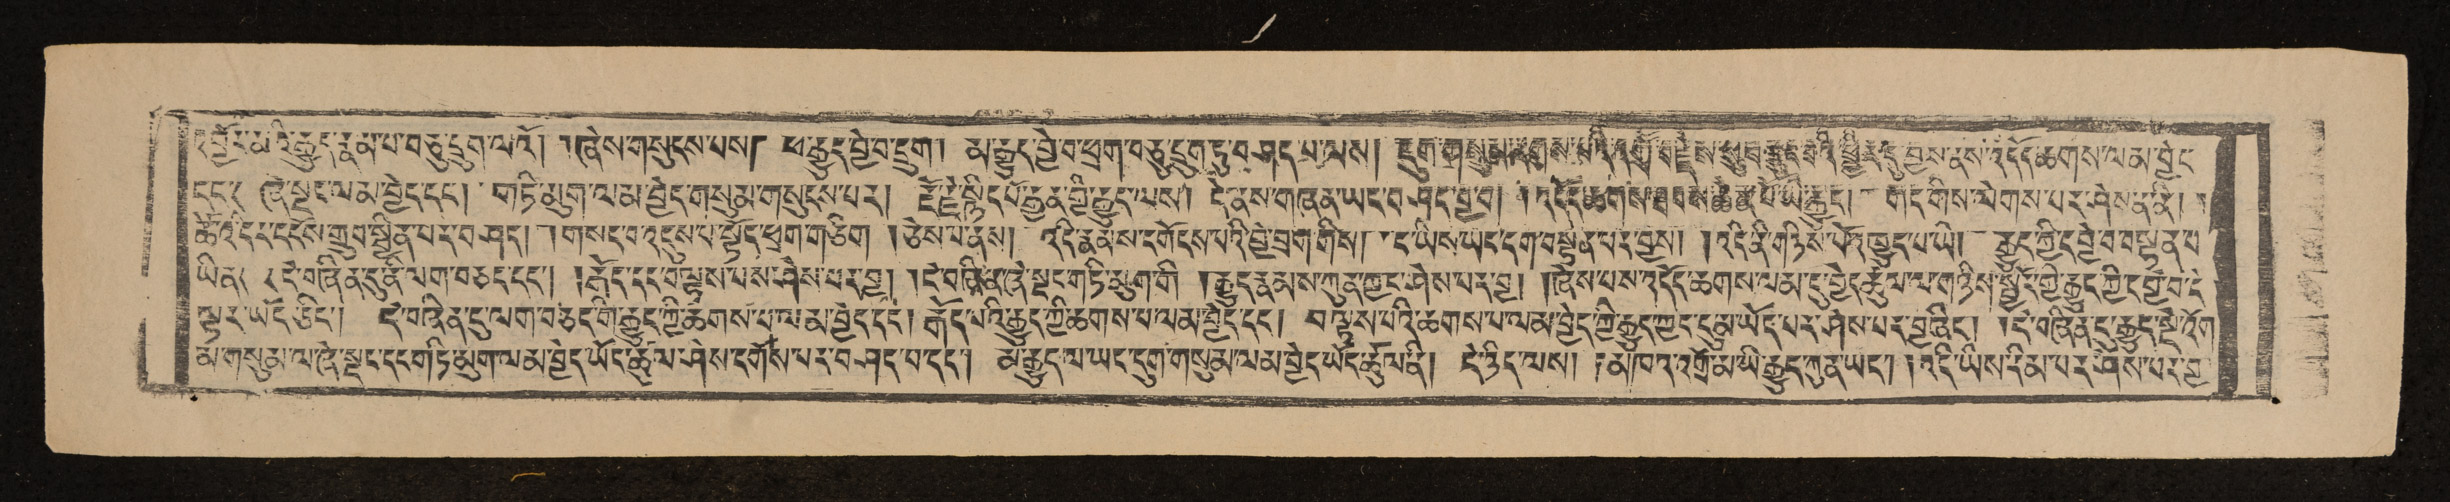འབྱོར་མའི་རྒྱུད་རྣམ་པ་བཅུ་དྲུག་ལའོ། །ཞེས་གསུངས་པས། ཕ་རྒྱུད་བྱེ་བ་དྲུག། མ་རྒྱུད་བྱེ་བ་ཕྲག་བཅུ་དྲུག་ཏུ་བཤད་པ་ལས། དུག་གསུམ་རགས་པའི་འགྲོ་བ་རྗེས་སུ་བཟུང་བའི་ཕྱིར་དུ་བྱས་ནས་འདོད་ཆགས་ལམ་བྱེད་
དང༑ ཞེ་སྡང་ལམ་བྱེད་དང་། གཏི་མུག་ལམ་བྱེད་གསུམ་གསུངས་པར། རྡོ་རྗེ་སྙིང་པོ་རྒྱན་གྱི་རྒྱུད་ལས། དེ་ནས་གཞན་ཡང་བཤད་བྱ་བ། །འདོད་ཆགས་ཐབས་ཆེན་པོ་ཡི་རྒྱུད། །གང་གིས་ལེགས་པར་ཤེས་ན་ནི། །
ཚེ་འདིར་དངོས་གྲུབ་སྦྱིན་པར་བཤད། །གསང་བ་འདུས་པ་སྟོང་ཕྲག་གཅིག །ཅེས་པ་ནས། འདི་རྣམས་དགོངས་པའི་བྱེ་བྲག་གིས། །ང་ཡིས་ཡང་དག་བསྟན་པར་བྱས། །འདི་ནི་གཉིས་པོ་འཁྱུད་པ་ཡི། །རྒྱུད་ཀྱི་དབྱེ་བ་བསྟན་པ་
ཡིན༑ ༑དེ་བཞིན་དུ་ནི་ལག་བཅང་དང་། །རྒོད་དང་བལྟས་པས་ཤེས་པར་བྱ། །དེ་བཞིན་ཞེ་སྡང་གཏི་མུག་གི །རྒྱུད་རྣམས་ཀུན་ཀྱང་ཤེས་པར་བྱ། །ཞེས་པས་འདོད་ཆགས་ལམ་དུ་བྱེད་ཚུལ་ལ་གཉིས་སྦྱོར་གྱི་རྒྱུད་ཀྱི་དབྱེ་བ་དེ་
ལྟར་ཡོད་ཅིང་། དེ་བཞིན་དུ་ལག་བཅང་གི་རྒྱུད་ཀྱི་ཆགས་པ་ལམ་བྱེད་དང་། རྒོད་པའི་རྒྱུད་ཀྱི་ཆགས་པ་ལམ་བྱེད་དང་། བལྟས་པའི་ཆགས་པ་ལམ་བྱེད་ཀྱི་རྒྱུད་ཀྱང་དུ་མ་ཡོད་པར་ཤེས་པར་བྱ་ཞིང་། དེ་བཞིན་དུ་རྒྱུད་སྡེ་འོག་
མ་གསུམ་ལ་ཞེ་སྡང་དང་གཏི་མུག་ལམ་བྱེད་ཡོད་ཚུལ་ཤེས་དགོས་པར་བཤད་པ་དང་། མ་རྒྱུད་ལ་ཡང་དུག་གསུམ་ལམ་བྱེད་ཡོད་ཚུལ་ནི། དེ་ཉིད་ལས། མཁའ་འགྲོ་མ་ཡི་རྒྱུད་ཀུན་ཡང་། །འདི་ཡིས་རིམ་པར་ཤེས་པར་བྱ།།